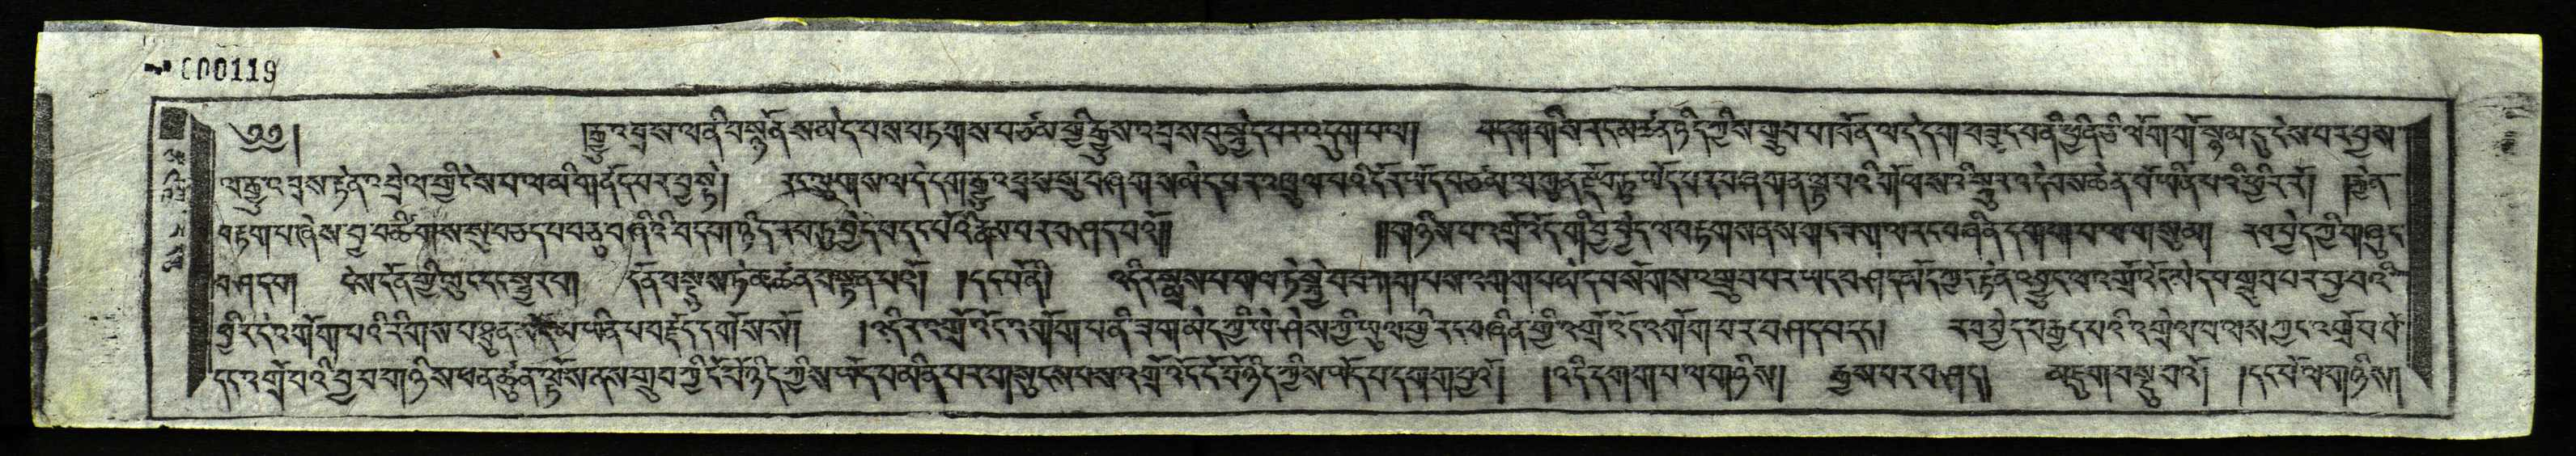༄༅། །རྒྱུ་འབྲས་ལ་ནི་བསྙོན་ས་མེད་པས་བཏགས་པ་ཙམ་གྱི་རྒྱུས་འབྲས་བུ་སྐྱེད་པར་འདུག་པ་ལ། བདག་གིས་རང་མཚན་ཉིད་ཀྱིས་གྲུབ་པ་ཁོ་ན་ལ་དེ་དག་བཟུང་བ་ནི་ཕྱིན་ཅི་ལོག་གོ་སྙམ་དུ་ངེས་པར་བྱས་
ལ་རྒྱུ་འབྲས་རྟེན་འབྲེལ་གྱི་ངེས་པ་ལ་མི་གནོད་པར་བྱ་སྟེ། རང་ལུགས་ལ་དེ་དག་རྒྱུ་འབྲས་སུ་བཞག་ས་མེད་པར་འཁྲུལ་བའི་དོན་ཡོད་པ་ཙམ་ལ་ཀུན་རྫོབ་ཏུ་ཡོད་པར་བཞག་ན་ལྟ་བའི་གོལ་སའི་སྐུར་འདེབས་ཆེན་པོ་ཡིན་པའི་ཕྱིར་རོ། །རྐྱེན་
བརྟག་པ་ཞེས་བྱ་བ་ཚིགས་སུ་བཅད་པ་བཅུ་བཞིའི་བདག་ཉིད་རབ་ཏུ་བྱེད་པ་དང་པོའི་རྣམ་པར་བཤད་པའོ།། །།གཉིས་པ་འགྲོ་འོད་གི་བྱ་བྱེད་ལ་བརྟགས་ནས་གང་ཟག་ལ་རང་བཞིན་དགག་པ་ལ་གསུམ། རབ་བྱེད་ཀྱི་གཞུང་
བཤད་པ། ངེས་དོན་གྱི་ལུང་དང་སྦྱར་བ། དོན་བསྡུས་ཏེ་མཚན་བསྟན་པའོ། །དང་པོ་ནི། འདིར་སྨྲས་པ་གལ་ཏེ་སྐྱེ་བ་བཀག་པས་འགག་པ་མེད་པ་སོགས་འགྲུབ་པར་ཡང་བཤད་ཡོད་ཀྱང་རྟེན་འབྱུང་བ་འགྲོ་འོང་མེད་པ་གྲུབ་པར་བྱ་བའི་
ཕྱིར་དེ་འགོག་པའི་རིགས་པ་ཐུན་མོང་མ་ཡིན་པ་བརྗོད་དགོས་སོ། །འདིར་འགྲོ་འོང་འགོག་པ་ནི་ཟག་མེད་ཀྱི་ཡེ་ཤེས་ཀྱི་ཡུལ་གྱི་རང་བཞིན་གྱི་འགྲོ་འོང་འགོག་བར་བཤད་པ་དང་། རབ་བྱེད་བརྒྱད་པའི་འགྲེལ་བ་ལས་ཀྱང་འགྲོ་བ་པོ་
དང་འགྲོ་བའི་བྱ་བ་གཉིས་ཕན་ཚུན་ལྟོས་ནས་གྲུབ་ཀྱི་ངོ་བོ་ཉིད་ཀྱིས་ཡོད་པ་མིན་པར་གསུངས་པས་འགྲོ་འོང་ངོ་བོ་ཉིད་ཀྱིས་ཡོད་པ་དགག་བྱའོ། །འདི་དགག་པ་ལ་གཉིས། རྒྱས་པར་བཤད། མཇུག་བསྡུ་བའོ། །དང་པོ་ལ་གཉིས།